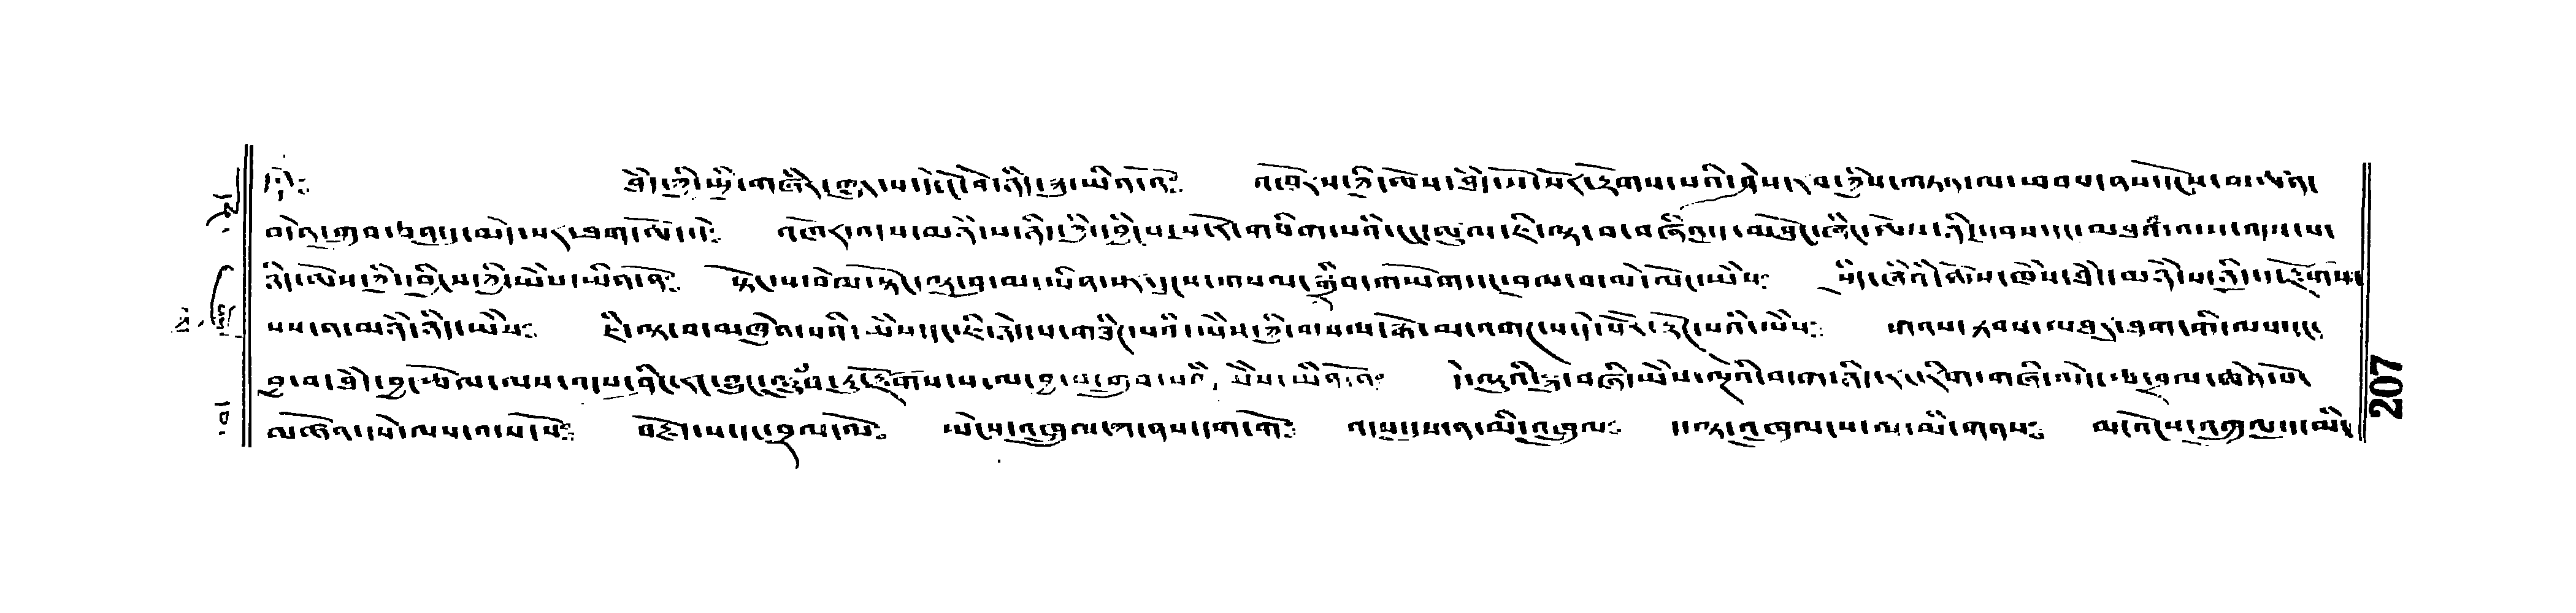ཐམས་ཅད་ཀྱི་སྤྱི་གཞིར་གྱུར་པ་དེ་ངོ་བོ་ཉིད་སྐུ་ཡིན་ནོ༔ འཁོར་འདས་ཀྱི་ཆོས་ཐམས་ཅད་སོ་སོར་རྟོགས་པའི་ཤེས་རབ་ཀྱིས་གཏན་ལ་ཕབ་ནས་དངོས་མཚན་
བདེན་གྲུབ་ཅན་དུ་མེད་པར་ཐག་ཆོད་དེ༔ འཁོར་འདས་མཉམ་པ་ཉིད་ཀྱི་དབྱིངས་སུ་རོ་གཅིག་པའི་ངང་ཚུལ་ཇི་ལྟ་བ་བཞིན་དུ་མཐོང་ཞིང་ཆོས་ཉིད་དབུས་དང་མཐའ་ལས་འདས་པ་
ཉིད་ཆོས་ཀྱི་དབྱིངས་ཀྱི་ཡེ་ཤེས་ཡིན་ནོ༔ སྟོང་པ་བེམ་སྟོང་ལྟ་བུ་མ་ཡིན་པར་དྭངས་གསལ་སྒྲིབ་གཡོགས་དང་བྲལ་བ་མེ་ལོང་ཡེ་ཤེས༔ སྲིད་ཞིའི་ཆོས་ཁམས་ཐམས་ཅད་མཉམ་པ་ཉིད་དུ་རྫོགས་
པས་ན་མཉམ་ཉིད་ཡེ་ཤེས༔ ཇི་ལྟ་བ་མཁྱེན་པའི་ཡེ་ཤེས་དང་ཇི་སྙིད་པ་གཟིགས་པའི་ཡེ་ཤེས་ཀྱི་གསལ་སྒོ་མ་འགགས་པ་དེ་སོ་སོར་རྟོགས་པའི་ཡེ་ཤེས༔གནས་སྐབས་མཐར་ཐུག་གི་ལས་དང་
བྱ་བ་ཐམས་ཅད་བྱ་རྩོལ་ལས་འདས་ཤིང་རང་བྱུང་ལྷུན་གྲུབ་ཏུ་རྫོགས་པ་ལ་བྱ་བ་གྲུབ་པའི་ཡེ་ཤེས་ཡིན་ནོ༔ དེ་ལྟ་བུའི་སྐུ་བཞི་ཡེ་ཤེས་ལྔའི་བདག་ཉིད་རང་རིག་གཞི་མེད་རྩ་བྲལ་ཆེན་པོ་
མཚོན་དཔེ་ལས་འདས་སོ༔ བརྗོད་པ་དང་བྲལ་ལོ༔ ཡེངས་འཁྲུལ་ཀ་ནས་དག་གོ༔ འདས་དུས་ན་མི་འཁྲུལ༔ ད་ལྟ་འཁྲུལ་པ་ལ་མི་གནས༔ མ་འོངས་འཁྲུལ་དུ་མི་